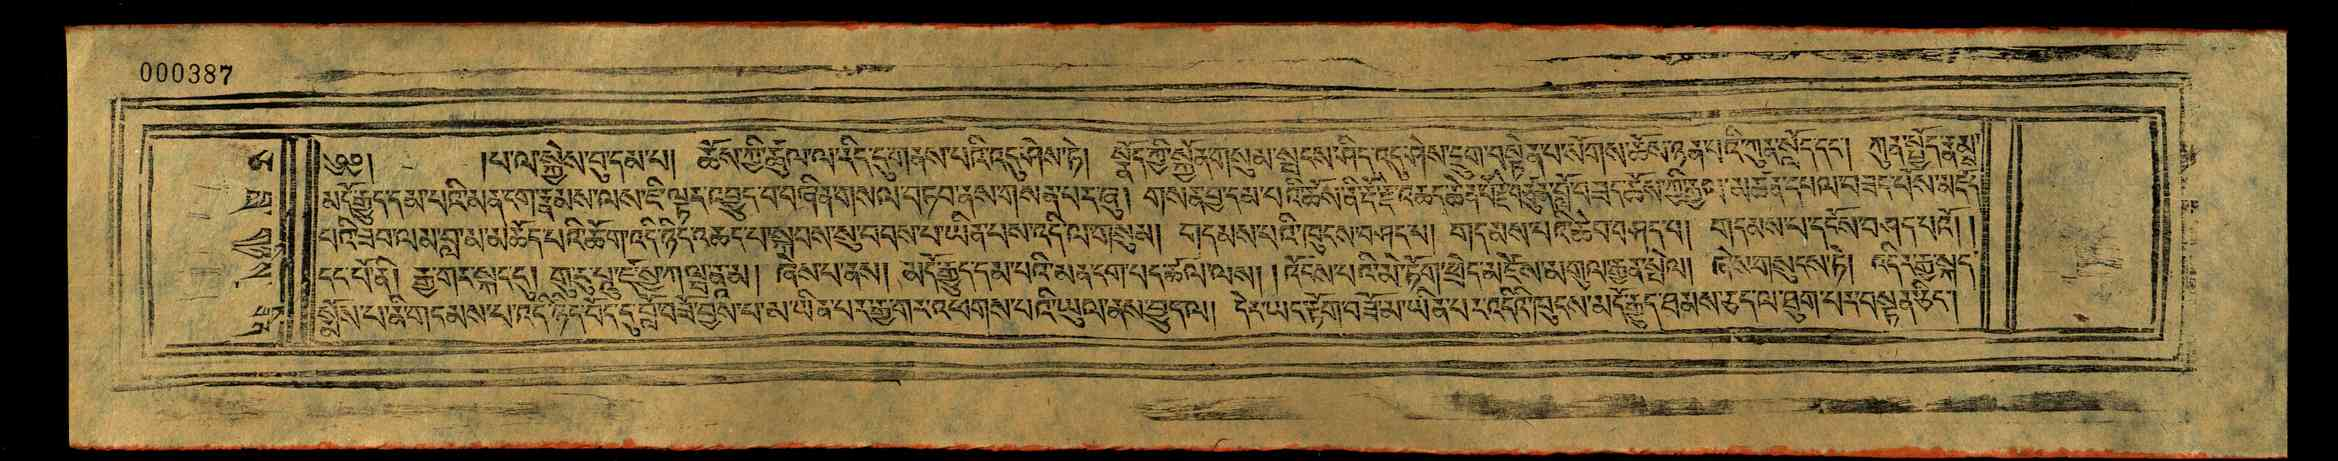༄༅། །པ་ལ་སྐྱེས་བུ་དམ་པ། ཆོས་ཀྱི་ཚུལ་ལ་རིང་དུ་གནས་པའི་འདུ་ཤེས་ཏེ། སྣོད་ཀྱི་སྐྱོན་གསུམ་སྤངས་ཤིང་འདུ་ཤེས་དྲུག་བསྟེན་པ་སོགས་ཆོས་ཉན་པའི་ཀུན་སློང་དང་། ཀུན་སྤྱོད་རྣམས་
མདོ་རྒྱུད་དམ་པའི་མན་ངག་རྣམས་ལས་ཇི་ལྟར་འབྱུང་བ་བཞིན་གསལ་བཏབ་ནས་གསན་པར་ཞུ། གསན་བྱ་དམ་པའི་ཆོས་ནི་རྡོ་རྗེ་འཆང་ཆེན་པོ་རྗེ་བཙུན་བློ་བཟང་ཆོས་ཀྱི་རྒྱལ་མཚན་དཔལ་བཟང་པོས་མཛད་
པའི་ཟབ་ལམ་བླ་མ་མཆོད་པའི་ཆོ་ག་འདི་ཉིད་འཆད་པ་སྐབས་སུ་བབས་པ་ཡིན་པས་འདི་ལ་གསུམ། གདམས་པའི་ཁུངས་བཤད་པ། གདམས་པའི་ཆེ་བ་བཤད་པ། གདམས་པ་དངོས་བཤད་པའོ། །
དང་པོ་ནི། རྒྱ་གར་སྐད་དུ། གུ་རུ་པཱུ་ཛ་སྱ་ཀ་ལྤ་ན་མ། ཞེས་པ་ནས། མདོ་རྒྱུད་དམ་པའི་མན་ངག་པད་ཚལ་ལས། །འོངས་པའི་མེ་ཏོག་ཕྲེང་མཛེས་མགུལ་རྒྱན་སྤེལ། ཞེས་གསུངས་ཏེ། འདིར་རྒྱ་སྐད་
སྨོས་པ་ནི་གདམས་པ་འདི་ཉིད་བོད་དུ་བློ་བཟོ་བྱས་པ་མ་ཡིན་པར་རྒྱ་གར་འཕགས་པའི་ཡུལ་ནས་བྱུང་ལ། དེར་ཡང་རྟོག་བཟོ་མ་ཡིན་པར་འདིའི་ཁུངས་མདོ་རྒྱུད་ཐམས་ཅད་ལ་ཐུག་པར་བསྟན་ཅིང་།